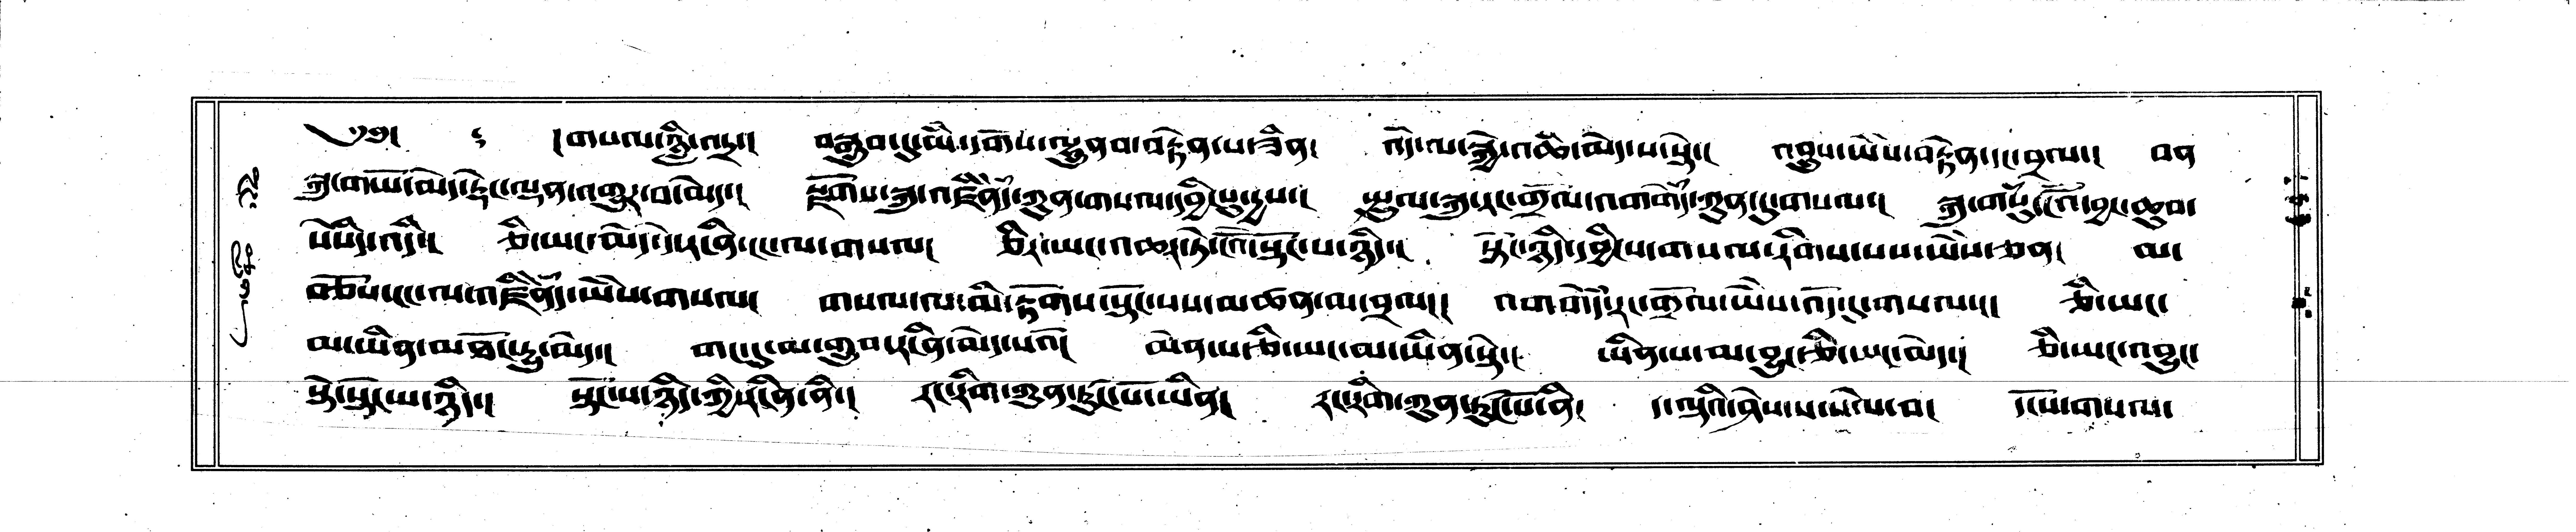གསལ་ཉི་ཟླ་འདྲ། བསྒྲུབ་དུ་མི་དགོས་ལྷུན་གྲུབ་བརྩན་ས་ཟིན། འདི་ལ་སྐྱེ་ཤི་མེད་པ་སྟེ། འབྲས་བུ་ཡེ་ཤེས་གཏན་དང་བྲལ། བོན་
སྐུ་གཡོ་མེད་རྡེང་ལྡན་འགྱུར་བ་མེད། རྫོགས་སྐུ་འཛིན་མེད་ཀུན་གསལ་དབྱིངས་སུ་རྒྱས། སྤྲུལ་སྐུར་རང་གྲོལ་གྷག་(འགག)མེད་ཀུན་དུ་གསལ། སྐུ་གསུམ་ངོའོ་བྱང་ཆུབ་
སེམས་ཉིད་འདི། ཅིར་ཡང་མེད་དེ་རང་བཞིན་ངང་གིས་གསལ། ཅིར་ཡང་འཆར་ཏེ་ངོའོ་སྟོང་པ་ཉིད། སྟོང་ཉིད་དབྱིངས་གསལ་རིག་པའི་ཡེ་ཤེས་ཅན། མ་
བཅོས་ངང་ལ་འཛིན་མེད་ཡེ་ཤེས་གསལ། གསལ་ལ་མི་རྟོག་སྟོང་པའི་མཚན་མ་བྲལ། གྷག་(འགག)མེད་རང་གྲོལ་ཡེ་ཤེས་འོད་དུ་གསལ། ཅིར་ཡང་
མ་ཡིན་མཐོང་རྒྱུ་མེད། གང་དུ་ཡང་མ་གྲུབ་རང་བཞིན་མེད་པའོ། མེན་པ་ཅིར་ཡང་མ་གྲུབ་སྟེ། ཡིན་པས་མི་འབྱུང་ཅིར་ཡང་མེད། ཅི་ཡང་འབྱུང་
སྟེ་སྟོང་པ་ཉིད། སྟོང་པ་ཉིད་ལ་རང་བཞིན་མེད། རང་རིག་ཀུན་དུ་བཟང་པོ་ཡིན། རང་རིག་ཀུན་དུ་བཟང་པོ་ནི། ད་ལྟའི་ཤེས་པ་སལེ་བ། འོད་གསལ་